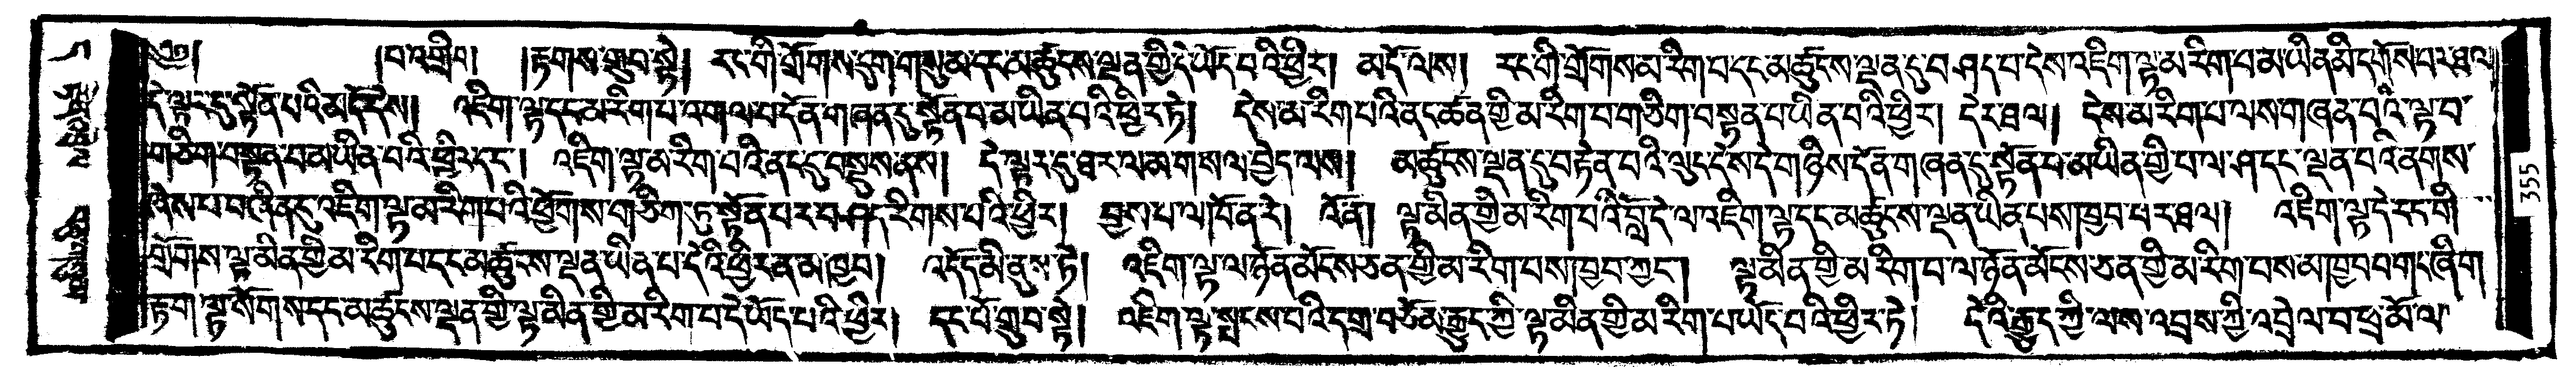༄༅། །པ་འགྲིབ། །རྟགས་གྲུབ་སྟེ། རང་གི་གྲོགས་དུག་གསུམ་དང་མཚུངས་ལྡན་གྱི་དེ་ཡོད་པའི་ཕྱིར། མདོ་ལས། རང་གི་གྲོགས་མ་རིག་པ་དང་མཚུངས་ལྡན་དུ་བཤད་པ་དེས་འཇིག་ལྟ་མ་རིག་པ་མ་ཡིན་མི་དགོས་པར་ཐལ།
དེ་ལྟར་དུ་སྟོན་པའི་མདོ་དེས། འཇིག་ལྟ་དང་མ་རིག་པ་འགལ་བ་དོན་གཞན་དུ་སྟོན་པ་མ་ཡིན་པའི་ཕྱིར་ཏེ། དེས་མ་རི་པའི་ནང་ཚན་གྱི་མ་རིག་པ་གཅིག་བསྟན་པ་ཡིན་པའི་ཕྱིར། དེར་ཐལ། དེས་མ་རིག་པ་ལས་གཞན་པའི་ལྟ་བ་
གཅིག་བསྟན་པ་མ་ཡིན་པའི་ཕྱིར་དང་། འཇིག་ལྟ་མ་རིག་པའི་ནང་དུ་བསྡུས་ནས། དེ་ལྟར་དུ་ཐར་ལམ་གསལ་བྱེད་ལས། མཚུངས་ལྡན་དུ་བརྟེན་པའི་ལུང་དེས་དེ་གཉིས་དོན་གཞན་དུ་སྟོན་པ་མ་ཡིན་གྱི་པ་ལ་ཤ་དང་ལྡན་པའི་ནགས་
ཞེས་པ་བཞིན་དུ་འཇིག་ལྟ་མ་རིག་པའི་ཕྱོགས་གཅིག་ཏུ་སྟོན་པར་བཤད་རིགས་པའི་ཕྱིར། བྱས་པ་ལ་ཁོ་ན་རེ། འོ་ན། ལྟ་མིན་གྱི་མ་རིག་པའི་བློ་དེ་ལ་འཇིག་ལྟ་དང་མཚུངས་ལྡན་ཡིན་པས་ཁྱབ་པར་ཐལ། འཇིག་ལྟ་དེ་རང་གི་
གྲོགས་ལྟ་མིན་གྱི་མ་རིག་པ་དང་མཚུངས་ལྡན་ཡིན་པ་དེའི་ཕྱིར་ན་མ་ཁྱབ། འདོད་མི་ནུས་ཏེ། འཇིག་ལྟ་ལ་ཉོན་མོངས་ཅན་གྱི་མ་རིག་པས་ཁྱབ་ཀྱང་། ལྟ་མིན་གྱི་མ་རིག་པ་ལ་ཉོན་མོངས་ཅན་གྱི་མ་རིག་པས་མ་ཁྱབ་པ་གང་ཞིག་
རྟག་ལྟ་སོགས་དང་མཚུངས་ལྡན་གྱི་ལྟ་མིན་གྱི་མ་རིག་པ་དེ་ཡོད་པའི་ཕྱིར། དང་པོ་གྲུབ་སྟེ། འཇིག་ལྟ་སྤངས་པའི་དགྲ་བཅོམ་རྒྱུད་ཀྱི་ལྟ་མིན་གྱི་མ་རིག་པ་ཡོད་པའི་ཕྱིར་ཏེ། དེའི་རྒྱུད་ཀྱི་ལས་འབྲས་ཀྱི་འབྲེལ་བ་ཕྲ་མོ་ལ་